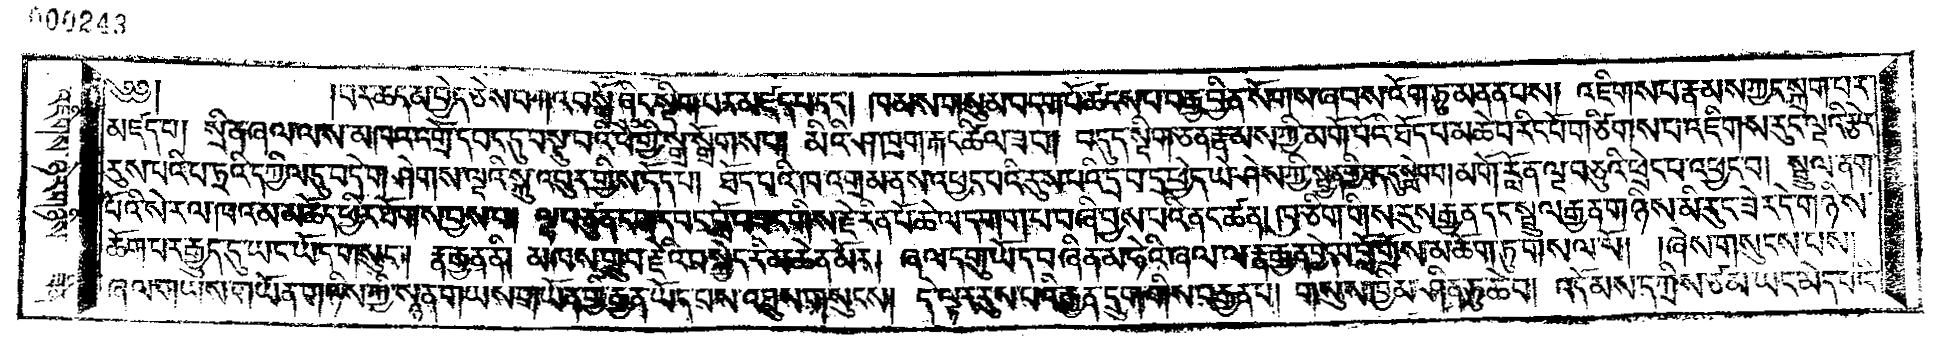༄༅། །བར་ཆད་མ་བྱེད་ཅེས་བཀའ་བསྒོ་ཞིང་སྡིག་པར་མཛད་པ་དང་། ཁམས་གསུམ་བདག་པོ་ཚངས་པ་བརྒྱ་བྱིན་སོགས་ཞབས་འོག་ཏུ་མནན་པས། འཇིགས་པ་རྣམས་ཀྱང་སྐྲག་པར་
མཛད་པ། སྲིན་ཞལ་ལས་མཁའ་འགྲོ་དབང་དུ་བསྡུ་བའི་ཕཻཾ་གྱི་སྒྲ་སྒྲོགས་པ། མིའི་ཤ་ཁྲག་རྐང་ཚིལ་ཟ་བ། བདུད་སྡིག་ཅན་རྣམས་ཀྱི་མགོ་བོའི་ཐོད་པ་མཆེ་བ་རིང་པོ་གཙིགས་པ་འཇིགས་རུང་ལྔའི་རྩེར་
རུས་པའི་པ་ཏྲའི་དཀྱིལ་དུ་བདེ་གཤེགས་ལྔའི་སྐུ་འབུར་གྱིས་དོད་པ། ཐོད་པའི་ཁ་འགྲམ་ནས་འཕྱང་པའི་རུས་པའི་དྲ་བ་དྲ་ཕྱེད་ཡེ་ཤེས་ཀྱི་སྤྱན་གྱི་ཐད་དུ་སླེབ་པ། མགོ་རློན་ལྔ་བཅུའི་ཕྲེང་བ་འཕྱང་བ། སྦྲུལ་ནག་
པོའི་སེ་རལ་ཁའམ་མཆོད་ཕྱིར་ཐོགས་བྱས་པ། ལྷ་བཙུན་ངག་དབང་བློ་བཟང་གིས་རྗེ་རིན་པོ་ཆེ་ལ་དགག་པ་བཞི་བྱས་པའི་ནང་ཚན། ཁ་ཅིག་གིས་རུས་རྒྱན་དང་སྤྲུལ་རྒྱན་གཉིས་མི་རུང་ཟེར་དེ་གཉིས་
ཆོག་པར་རྒྱུད་དུ་ཡང་ཡོད་གསུང་། རྣ་རྒྱན་ནི། མཁས་གྲུབ་རྗེའི་བསྐྱེད་རིམ་ཆེན་མོར། ཞལ་དགུ་ཡོད་བཞིན་མ་ཧེའི་ཞལ་ལ་རྣ་རྒྱན་བྱེད་པ་བློ་གྲོས་མཆོག་ཏུ་གསལ་ལོ། །ཞེས་གསུངས་པས།
ཞལ་གཡས་གཡོན་གཉིས་ཀྱི་སྙན་གཡས་གཡོན་གྱི་རྒྱན་ཡོད་པས་འཐུས་གསུངས། དེ་ལྟར་རུས་པའི་རྒྱན་དྲུག་གིས་བརྒྱན་པ། གསུས་ཁྱིམ་ཤིན་ཏུ་ཆེ་བ། འདོམས་དཀྲིས་ཙམ་ཡང་མེད་པའི་